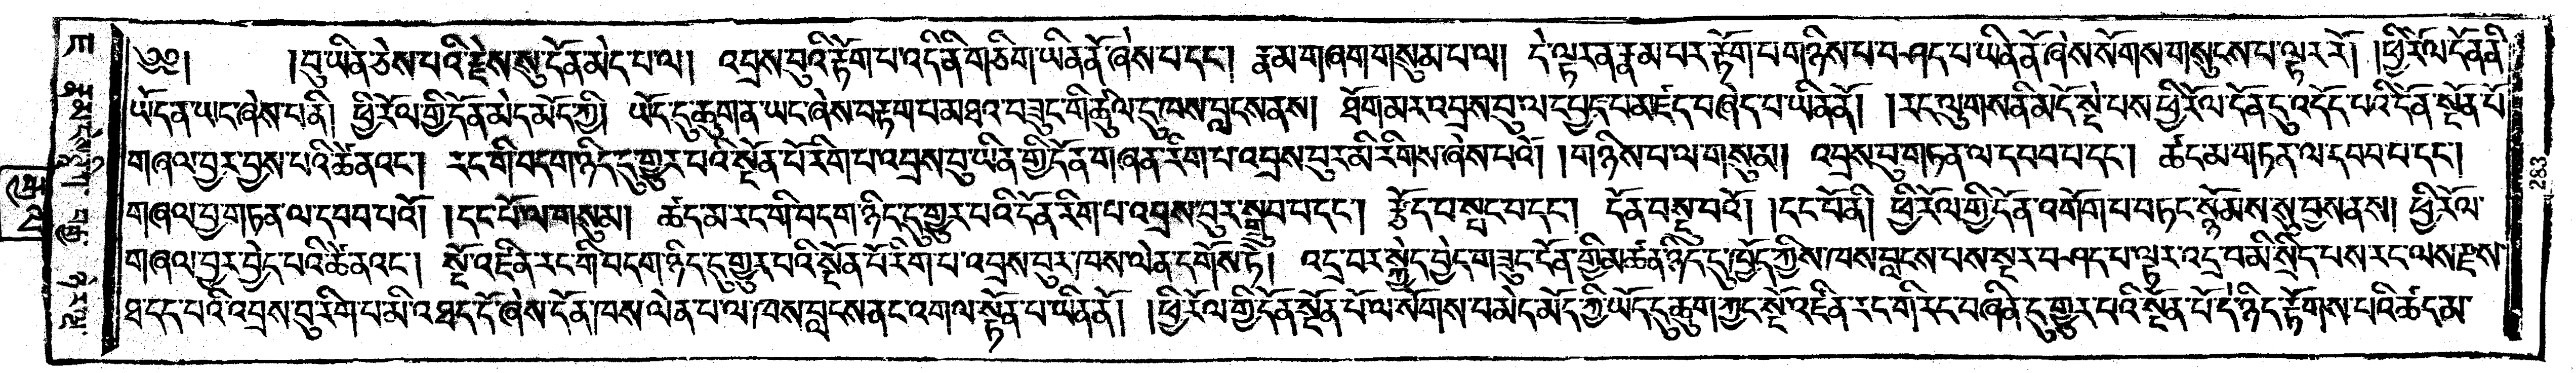༄༅། །བུ་ཡིན་ཅེས་པའི་རྗེས་སུ་དོན་མེད་པ་ལ། འབྲས་བུའི་རྟོག་པ་འདི་ནི་གཅིག་ཡིན་ནོ་ཞེས་པ་དང་། རྣམ་གཞག་གསུམ་པ་ལ། དེ་ལྟར་ན་རྣམ་པར་རྟོག་པ་གཉིས་པ་བཤད་པ་ཡིན་ནོ་ཞེས་སོགས་གསུངས་པ་ལྟར་རོ། །ཕྱི་རོལ་དོན་ནི་
ཡོད་ན་ཡང་ཞེས་པ་ནི། ཕྱི་རོལ་གྱི་དོན་མེད་མོད་ཀྱི། ཡོད་དུ་ཆུག་ན་ཡང་ཞེས་བརྟག་པ་མཐའ་བཟུང་གི་ཚུལ་དུ་ཁས་བླངས་ནས། ཐོག་མར་འབྲས་བུ་ལ་དཔྱད་པ་མཛད་བཞེད་པ་ཡིན་ནོ། །རང་ལུགས་ནི་མདོ་སྡེ་པས་ཕྱི་རོལ་དོན་དུ་འདོད་པའི་དོན་སྔོན་པོ་
གཞལ་བྱར་བྱས་པའི་ཚེ་ནའང་། རང་གི་བདག་ཉིད་དུ་གྱུར་པའི་སྔོན་པོ་རིག་པ་འབྲས་བུ་ཡིན་གྱི་དོན་གཞན་རིག་པ་འབྲས་བུར་མི་རིགས་ཞེས་པའོ། །གཉིས་པ་ལ་གསུམ། འབྲས་བུ་གཏན་ལ་དབབ་པ་དང་། ཚད་མ་གཏན་ལ་དབབ་པ་དང་།
གཞལ་བྱ་གཏན་ལ་དབབ་པའོ། །དང་པོ་ལ་གསུམ། ཚད་མ་རང་གི་བདག་ཉིད་དུ་གྱུར་པའི་དོན་རིག་པ་འབྲས་བུར་སྒྲུབ་པ་དང་། རྩོད་པ་སྤང་བ་དང་། དོན་བསྡུ་བའོ། །དང་པོ་ནི། ཕྱི་རོལ་གྱི་དོན་འགོག་པ་བཏང་སྙོམས་སུ་བྱས་ནས། ཕྱི་རོལ་
གཞལ་བྱར་བྱེད་པའི་ཚེ་ནའང་། སྔོ་འཛིན་རང་གི་བདག་ཉིད་དུ་གྱུར་པའི་སྔོན་པོ་རིག་པ་འབྲས་བུར་ཁས་ལེན་དགོས་ཏེ། འདྲ་བར་སྐྱེད་བྱེད་གཟུང་དོན་གྱི་མཚན་ཉིད་དུ་ཁྱོད་ཀྱིས་ཁས་བླངས་པས་སྔར་བཤད་པ་ལྟར་འདྲ་བ་མི་སྲིད་པས་རང་ལས་རྫས་
ཐ་དད་པའི་འབྲས་བུ་རིག་པ་མི་འཐད་དོ་ཞེས་དོན་ཁས་ལེན་པ་ལ་ཁས་བླངས་ནང་འགལ་སྟོན་པ་ཡིན་ནོ། །ཕྱི་རོལ་གྱི་དོན་སྔོན་པོ་ལ་སོགས་པ་མེད་མོད་ཀྱི་ཡོད་དུ་ཆུག་ཀྱང་སྔོ་འཛིན་རང་གི་རང་བཞིན་དུ་གྱུར་པའི་སྔོན་པོ་དེ་ཉིད་རྟོགས་པའི་ཚད་མ་